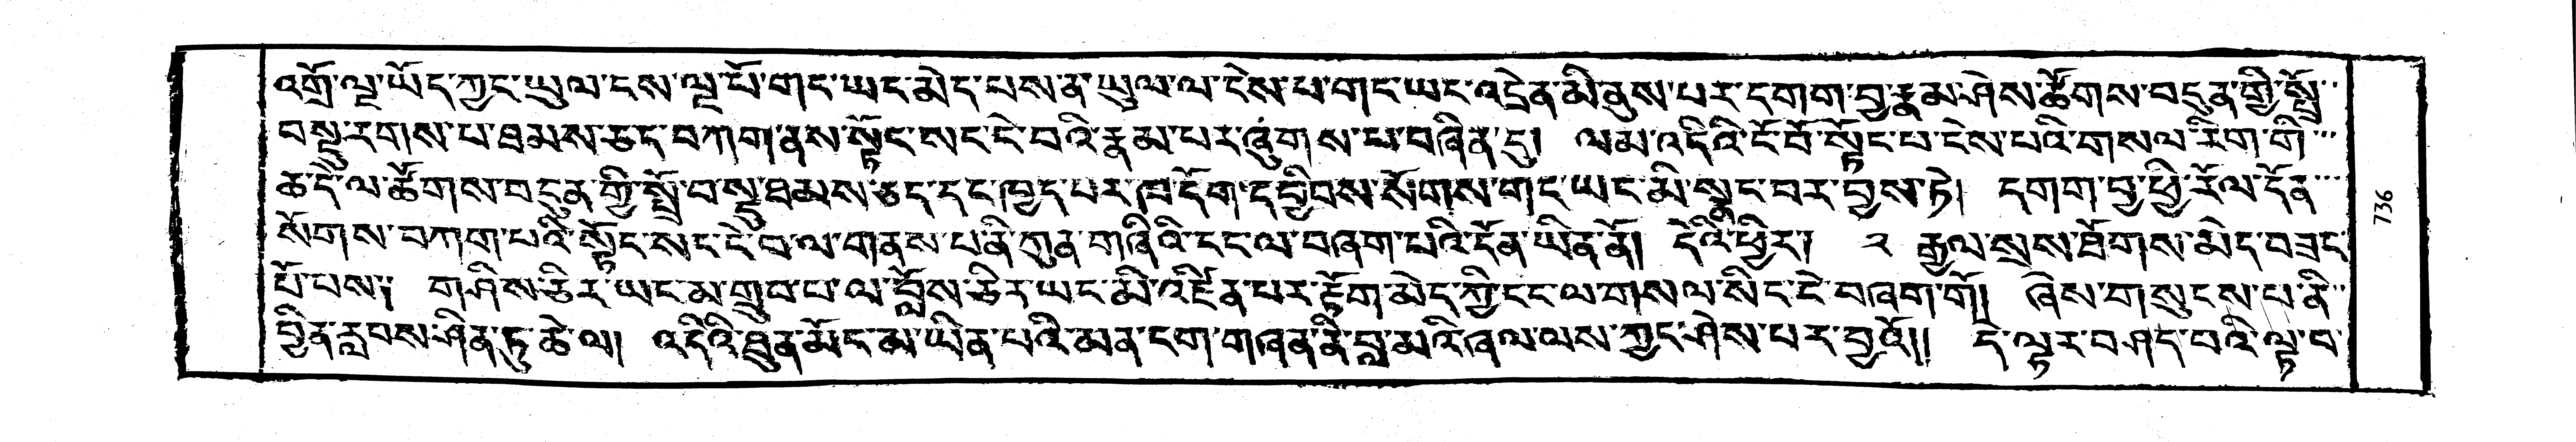འགྲོ་ལྔ་ཡོད་ཀྱང་ཡུལ་ངས་ལྔ་པོ་གང་ཡང་མེད་པས་ན་ཡུལ་ལ་ངེས་པ་གང་ཡང་འདྲེན་མི་ནུས་པར་དགག་བྱ་རྣམ་ཤེས་ཚོགས་བདུན་གྱི་སྤྲོ་
བསྡུ་རགས་པ་ཐམས་ཅད་བཀག་ནས་སྟོང་སང་ངེ་བའི་རྣམ་པར་ཞུགས་པ་བཞིན་དུ། ལམ་འདིའི་ངོ་བོ་སྟོང་པ་ངེས་པའི་གསལ་རིག་གི་
ཆ་དེ་ལ་ཚོགས་བདུན་གྱི་སྤྲོ་བ་སྡུ་ཐམས་ཅད་དང་ཁྱད་པར་ཁ་དོག་དབྱིབས་སོགས་གང་ཡང་མི་སྣང་བར་བྱས་ཏེ། དགག་བྱ་ཕྱི་རོལ་དོན་
སོགས་བཀག་པའི་སྟོང་སང་ངེ་བ་ལ་གནས་པ་ནི་ཀུན་གཞིའི་ངང་ལ་བཞག་པའི་དོན་ཡིན་ནོ། དེའི་ཕྱིར། ༢་རྒྱལ་སྲས་ཐོགས་མེད་བཟང་
པོ་པས༑ གཤིས་ཅིར་ཡང་མ་གྲུབ་པ་ལ་བློས་ཅིར་ཡང་མི་འཛིན་པར་རྟོག་མེད་ཀྱི་ངང་ལ་གསལ་སིང་ངེ་བཞག་གོ། ཞེས་གསུངས་པ་ནི་
བྱིན་རླབས་ཤིན་ཏུ་ཆེ་ལ། འདིའི་ཐུན་མོང་མ་ཡིན་པའི་མན་ངག་གཞན་ནི་བླ་མའི་ཞལ་ལས་ཀྱང་ཤེས་པར་བྱའོ།། དེ་ལྟར་བཤད་པའི་ལྟ་བ་